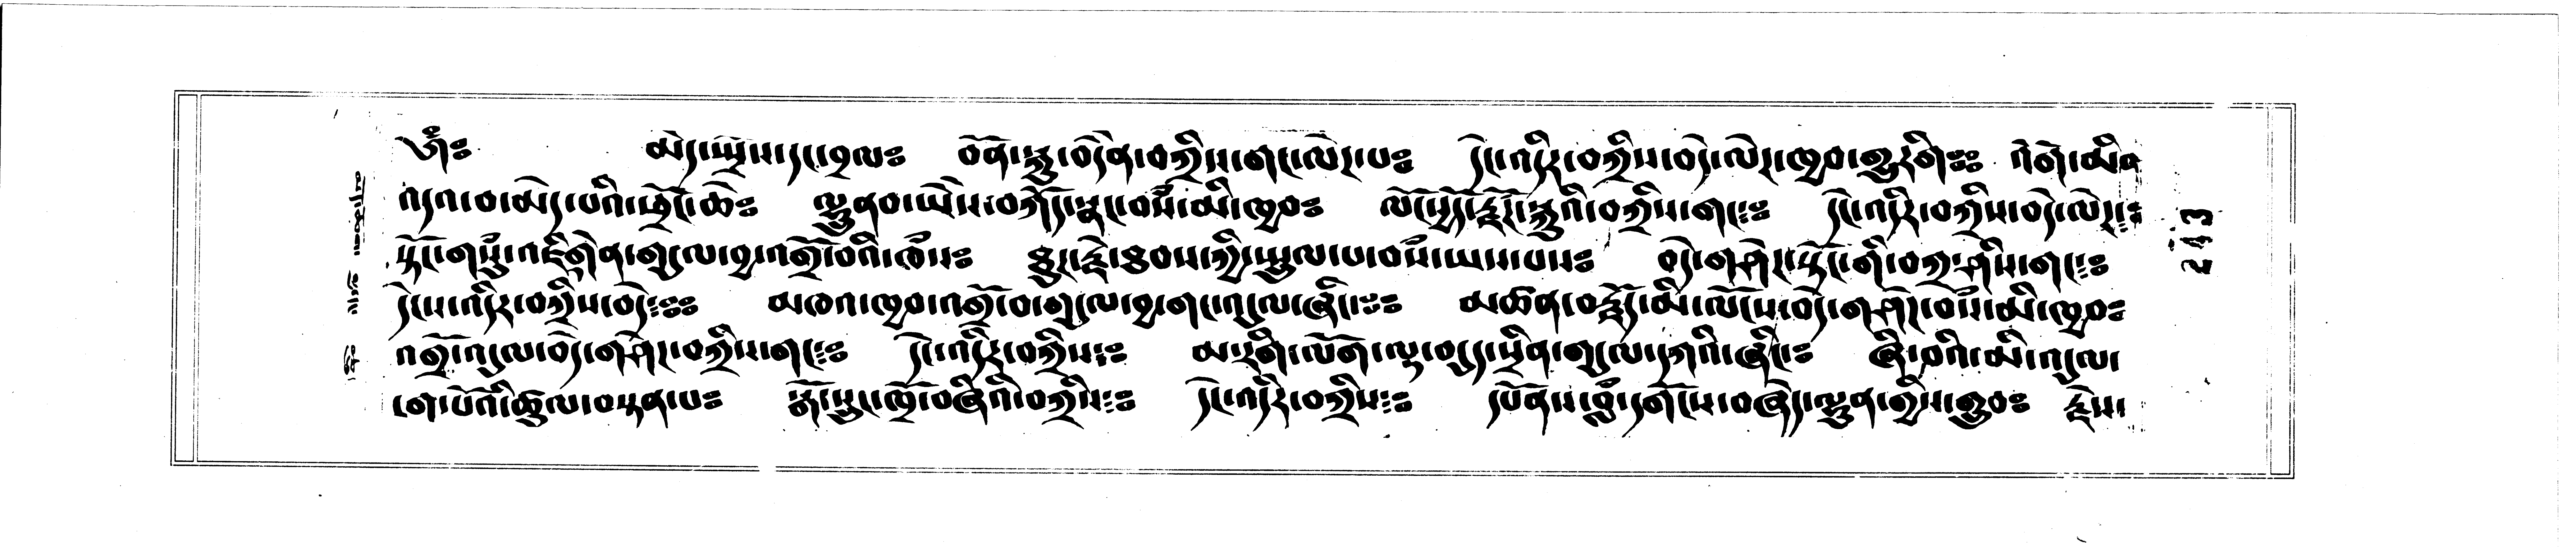མེད་སྤྲོས་དང་བྲལཿ བོན་སྐུ་བདེ་ཆེན་བཀྲ་ཤིས་གང་ལེགས་པཿ དེང་འདིར་བཀྲ་ཤིས་བདེ་ལེགས་ཁྱབ་གྱུར་ཅིགཿ འོག་མིན་
འདའ་བ་མེད་པའི་ཕོ་བྲང་ཆེཿ ལྷུན་གྲུབ་ཡེ་ཤེས་བཀོད་སྣང་བསམ་མི་ཁྱབཿ ལོངས་སྤྱོད་རྫོགས་སྐུའི་བཀྲ་ཤིས་གང་ལེགས་པཿ དེང་འདིར་བཀྲ་ཤིས་བདེ་ལེགས་ཁྱབ་གྱུར་ཅིགཿ 
སྟོང་གསུམ་འཇིག་རྟེན་གདུལ་བྱ་འགྲོ་བའི་ཁམསཿ ཐུགས་རྗེ་ཐབས་ཀྱི་སྤྲུལ་པ་བསམ་ཡས་པསཿ བདེར་གཤེགས་སྟོང་གི་བཀྲ་ཤིས་གང་ལེགས་པཿ
 དེང་འདིར་བཀྲ་ཤིས་བདེ་ལེགས་ཁྱབ་གྱུར་ཅིགཿ མཁའ་ཁྱབ་འགྲོ་བ་གདུལ་བྱ་གང་འདུལ་ཞིངཿ མཚན་བརྗོད་མི་ལོངས་བདེར་གཤེགས་བསམ་མི་ཁྱབཿ
 འགྲོ་འདུལ་བདེར་གཤེགས་བཀྲ་ཤིས་གང་ལེགས་པཿ དེང་འདིར་བཀྲ་ཤིས་བདེ་ལེགས་ཁྱབ་གྱུར་ཅིགཿ མ་རིག་ལོག་ལྟ་བདུད་སྲིན་གདུལ་དཀའི་ཞིངཿ ཞི་བའི་མི་འདུལ་
དྲག་པོའི་ཚུལ་བསྟན་པཿ སྒོ་སྲུང་ཁྲོ་བཞིའི་བཀྲ་ཤིས་གང་ལེགས་པཿ དེང་འདིར་བཀྲ་ཤིས་བདེ་ལེགས་ཁྱབ་གྱུར་ཅིགཿ དཔོན་གསས་བླ་མ་དགོངས་བཞེད་ལྷུན་གྱིས་གྲུབཿ རྗེས་